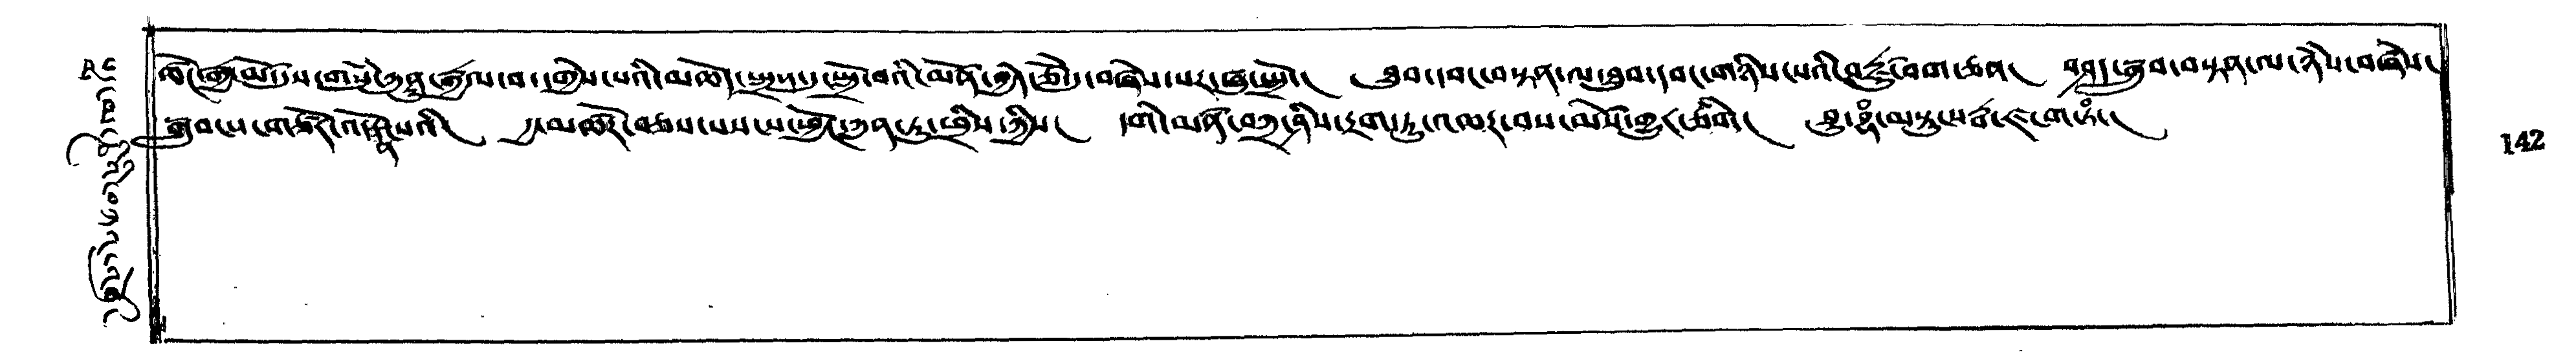ཚོགས་རྒྱ་མཚོ་དུས་གསུམ་ཀུན་ཏུ་རྒྱལ་བ་དགྱེས་པའི་མཆོད་སྤྲིན་དུ་སྤྲོ་བའི་མཚོན་བྱད་ཙམ་དུ་བཞེས་པར་ཞུ་སྤྲོ། ཐུབ་དབང་བསྟན་ལ་ཐུབ་དབང་གཉིས་པའི་བརྫུ་བག་ཅན། །བཤད་སྒྲུབ་བསྟན་ལ་ཉམས་བཞེས་
སྒྲུབ་པ་གཙོར་འདོན་པའི། །རྒྱ་མཚོར་བཅས་པའི་ས་ཕྱོགས་ཀུན་ཏུ་ཕྲིན་ལས་ཀྱིས། །དགེ་མཚན་བཀྲ་ཤིས་དྲག་ཏུ་འཆར་བས་མཛེས་གྱུར་ཅིག། ཤུ་བྷཾ་མསྟུ་སརྦ་ཛ་ག་ཏཾ།། །།